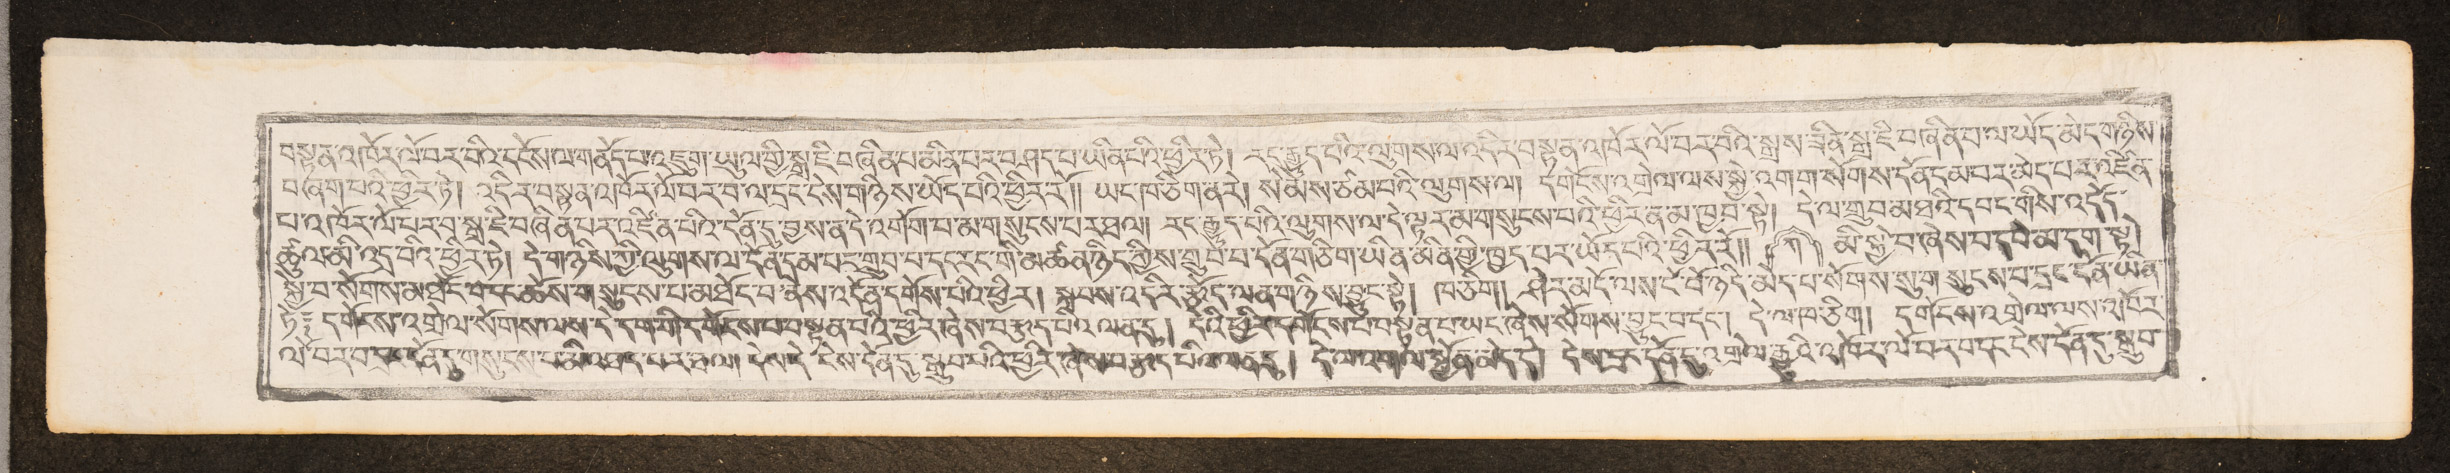བསྟན་འཁོར་ལོ་བར་བའི་དངོས་ལ་གནོད་པ་འཇུག་ཡུལ་གྱི་སྒྲ་ཇི་བཞིན་པ་མིན་པར་བཤད་པ་ཡིན་པའི་ཕྱིར་ཏེ། རང་རྒྱུད་པའི་ལུགས་ལ་འདིར་བསྟན་འཁོར་ལོ་བར་བའི་སྒྲས་ཟིན་སྒྲ་ཇི་བཞིན་པ་ལ་ཡོད་མེད་གཉིས་
བཞག་པའི་ཕྱིར་ཏེ། འདིར་བསྟན་འཁོར་ལོ་བར་བ་ལ་དྲང་ངེས་གཉིས་ཡོད་པའི་ཕྱིར་རོ། །ཡང་ཁ་ཅིག་ན་རེ། །སེམས་རྩམ་པའི་ལུགས་ལ། །དགོངས་འགྲེལ་ལས་སྐྱེ་འགག་སོགས་དོན་དམ་པར་མེད་པར་འཛིན་
པ་འཁོར་ལོ་པར་བ་སྒྲ་ཇི་བཞིན་པར་འཛིན་པའི་དོན་དུ་བྱས་ན་དེ་འགོག་པ་མ་གསུངས་པར་ཐལ། རང་རྒྱུད་པའི་ལུགས་ལ་དེ་ལྟར་མ་གསུངས་པའི་ཕྱིར་ན་མ་ཁྱབ་སྟེ། དེ་ལ་གྲུབ་མཐའི་དབང་གིས་འདོད་
ཚུལ་མི་འདྲ་བའི་ཕྱིར་ཏེ། དེ་གཉིས་ཀྱི་ལུགས་ལ་དོན་དམ་པར་གྲུབ་པར་དང་རང་གི་མཚན་ཉིད་ཀྱིས་གྲུབ་པ་དོན་གཅིག་ཡིན་མིན་གྱི་ཁྱད་པར་ཡོད་པའི་ཕྱིར་རོ། །༼༽ཀ༼༽ མི་སྐྱེ་བ་ཞེས་པ་དཔེ་མ་དག་སྟེ།
སྐྱེ་བ་སོགས་མཐོང་པ་དང་ཆོས་གསུངས་པ་མཐོང་བ་ཞེས་འདོན་དགོས་པའི་ཕྱིར། སྐབས་འདིར་རྩོད་ལན་གཉིས་བྱུང་སྟེ། ཁ་ཅིག། ཤེར་མདོ་ལས་ངོ་བོ་ཉིད་མེད་པ་སོགས་སུ་གསུངས་པ་དྲང་དོན་ཡིན་
ཏེ༑ དགོངས་འགྲེལ་སོགས་ལས་དེ་དག་གི་དགོངས་པ་བསྟན་པའི་ཕྱིར་ཞེས་བརྩད་པའི་ལན་དུ། དེའི་ཕྱིར་དགོངས་པ་བསྟན་པ་ཡང་ཞེས་སོགས་བྱུང་བ་དང་། དེ་ལ་ཁ་ཅིག། དགོངས་འགྲེལ་ལས་འཁོར་
ལོ་བར་བ་དྲང་དོན་དུ་གསུངས་པ་མི་འཐད་པར་ཐལ། དེས་དེ་ངེས་དོན་དུ་སྒྲུབ་པའི་ཕྱིར་ཞེས་བརྩད་པའི་ལན་དུ། དེ་ལ་འགལ་སྐྱོན་མེད་དེ། དེས་དྲང་དོན་དུ་འགྲེལ་རྒྱུའི་འཁོར་ལོ་བར་བ་དང་ངེས་དོན་དུ་སྒྲུབ་